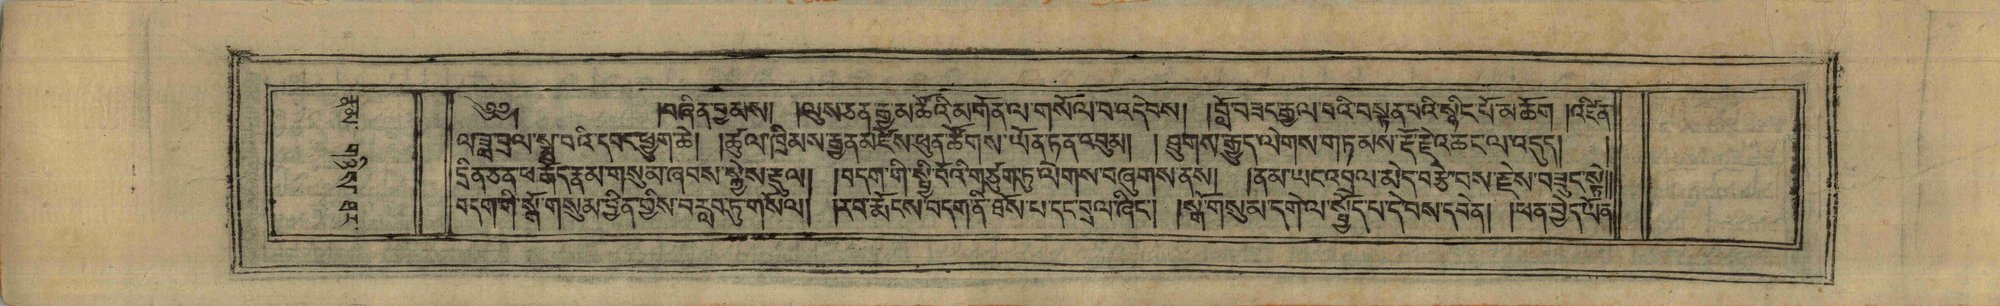༄༅། །བཞིན་བྱམས། །ལུས་ཅན་རྒྱ་མཚོའི་མགོན་ལ་གསོལ་བ་འདེབས། །བློ་བཟང་རྒྱལ་བའི་བསྟན་པའི་སྙིང་པོ་མཆོག །འཛིན་
ལ་ཟླ་བྲལ་སྨྲ་བའི་དབང་ཕྱུག་ཆེ། །ཚུལ་ཁྲིམས་རྒྱན་མཛེས་ཕུན་ཚོགས་ཡོན་ཏན་འབུམ། །ཐུགས་རྒྱུད་ལེགས་གཏམས་རྡོ་རྗེ་འཆང་ལ་འདུད། །
དྲིན་ཅན་ཕ་རྒོད་རྣམ་གསུམ་ཞབས་སྐྱེས་རྡུལ། །བདག་གི་སྤྱི་བོའི་གཙུག་ཏུ་ལེགས་བཞུགས་ནས། །ནམ་ཡང་འབྲལ་མེད་བརྩེ་བས་རྗེས་བཟུང་སྟེ། །
བདག་གི་སྒོ་གསུམ་བྱིན་གྱིས་བརླབ་ཏུ་གསོལ། །རབ་རྨོངས་བདག་ནི་ཐོས་པ་དང་བྲལ་ཞིང་། །སྒོ་གསུམ་དགེ་ལ་སྤྱོད་པ་དེ་བས་དབེན། །ཕན་བྱེད་ཡོན་